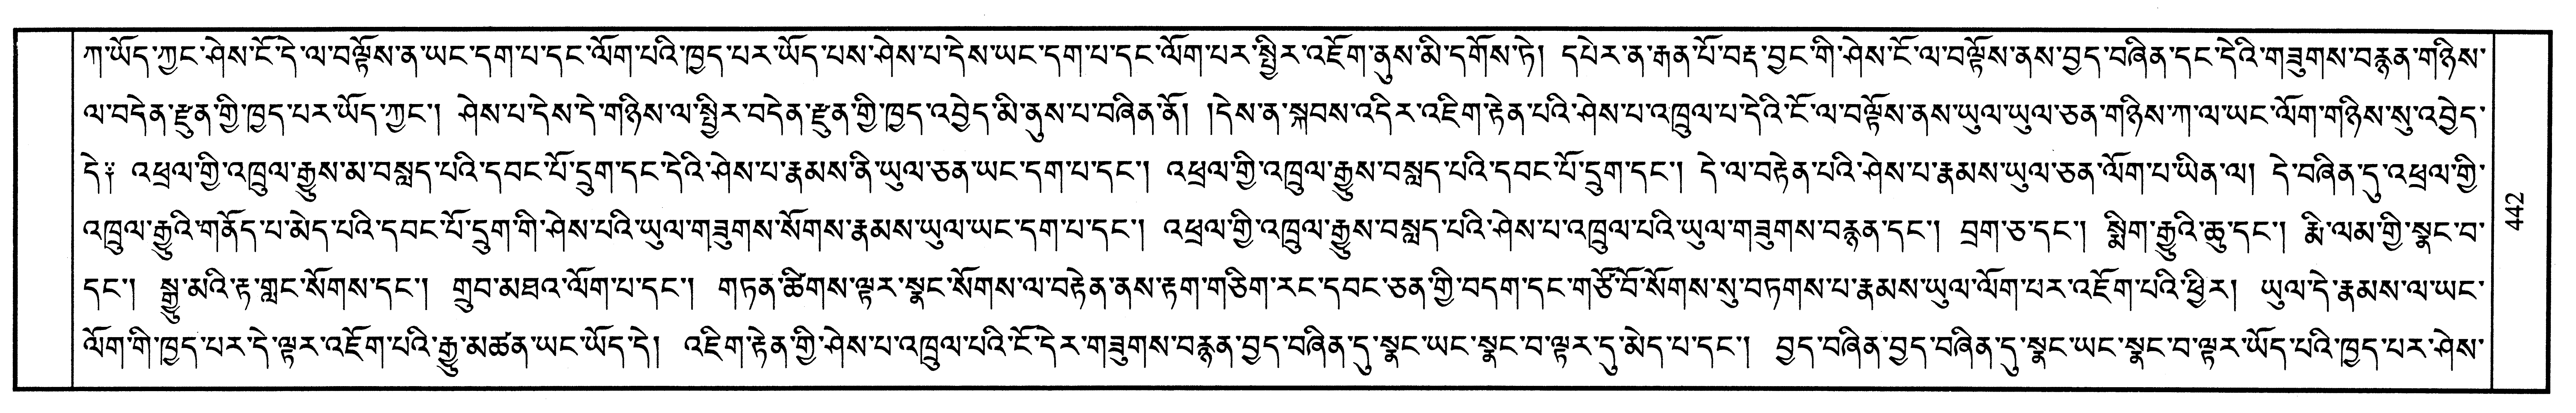ཀ་ཡོད་ཀྱང་ཤེས་ངོ་དེ་ལ་བལྟོས་ན་ཡང་དག་པ་དང་ལོག་པའི་ཁྱད་པར་ཡོད་པས་ཤེས་པ་དེས་ཡང་དག་པ་དང་ལོག་པར་སྤྱིར་འཇོག་ནུས་མི་དགོས་ཏེ། དཔེར་ན་རྒན་པོ་བརྡ་བྱང་གི་ཤེས་ངོ་ལ་བལྟོས་ནས་བྱད་བཞིན་དང་དེའི་གཟུགས་བརྙན་གཉིས་
ལ་བདེན་རྫུན་གྱི་ཁྱད་པར་ཡོད་ཀྱང་། ཤེས་པ་དེས་དེ་གཉིས་ལ་སྤྱིར་བདེན་རྫུན་གྱི་ཁྱད་འབྱེད་མི་ནུས་པ་བཞིན་ནོ། །དེས་ན་སྐབས་འདིར་འཇིག་རྟེན་པའི་ཤེས་པ་འཁྲུལ་པ་དེའི་ངོ་ལ་བལྟོས་ནས་ཡུལ་ཡུལ་ཅན་གཉིས་ཀ་ལ་ཡང་ལོག་གཉིས་སུ་འབྱེད་
དེ༑ འཕྲལ་གྱི་འཁྲུལ་རྒྱུས་མ་བསླད་པའི་དབང་པོ་དྲུག་དང་དེའི་ཤེས་པ་རྣམས་ནི་ཡུལ་ཅན་ཡང་དག་པ་དང་། འཕྲལ་གྱི་འཁྲུལ་རྒྱུས་བསླད་པའི་དབང་པོ་དྲུག་དང་། དེ་ལ་བརྟེན་པའི་ཤེས་པ་རྣམས་ཡུལ་ཅན་ལོག་པ་ཡིན་ལ། དེ་བཞིན་དུ་འཕྲལ་གྱི་
འཁྲུལ་རྒྱུའི་གནོད་པ་མེད་པའི་དབང་པོ་དྲུག་གི་ཤེས་པའི་ཡུལ་གཟུགས་སོགས་རྣམས་ཡུལ་ཡང་དག་པ་དང་། འཕྲལ་གྱི་འཁྲུལ་རྒྱུས་བསླད་པའི་ཤེས་པ་འཁྲུལ་པའི་ཡུལ་གཟུགས་བརྙན་དང་། བྲག་ཅ་དང་། སྨིག་རྒྱུའི་ཆུ་དང་། རྨི་ལམ་གྱི་སྣང་བ་
དང་། སྒྱུ་མའི་རྟ་གླང་སོགས་དང་། གྲུབ་མཐའ་ལོག་པ་དང་། གཏན་ཚིགས་ལྟར་སྣང་སོགས་ལ་བརྟེན་ནས་རྟག་གཅིག་རང་དབང་ཅན་གྱི་བདག་དང་གཙོ་བོ་སོགས་སུ་བཏགས་པ་རྣམས་ཡུལ་ལོག་པར་འཇོག་པའི་ཕྱིར། ཡུལ་དེ་རྣམས་ལ་ཡང་
ལོག་གི་ཁྱད་པར་དེ་ལྟར་འཇོག་པའི་རྒྱུ་མཚན་ཡང་ཡོད་དེ། འཇིག་རྟེན་གྱི་ཤེས་པ་འཁྲུལ་པའི་ངོ་དེར་གཟུགས་བརྙན་བྱད་བཞིན་དུ་སྣང་ཡང་སྣང་བ་ལྟར་དུ་མེད་པ་དང་། བྱད་བཞིན་བྱད་བཞིན་དུ་སྣང་ཡང་སྣང་བ་ལྟར་ཡོད་པའི་ཁྱད་པར་ཤེས་